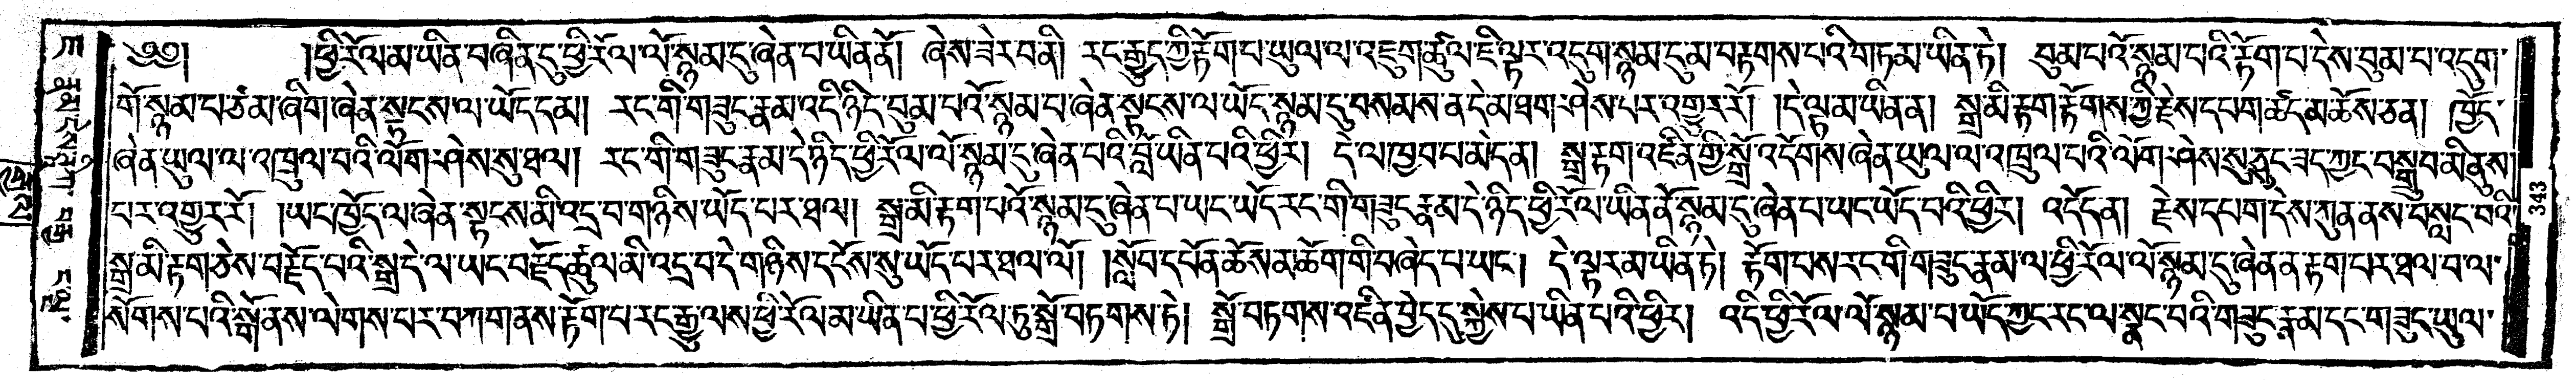༄༅། །ཕྱི་རོལ་མ་ཡིན་བཞིན་དུ་ཕྱི་རོལ་ལོ་སྙམ་དུ་ཞེན་པ་ཡིན་ནོ། ཞེས་ཟེར་བ་ནི། རང་རྒྱུད་ཀྱི་རྟོག་པ་ཡུལ་ལ་འཇུག་ཚུལ་ཇི་ལྟར་འདུག་སྙམ་དུ་མ་བརྟགས་པའི་གཏམ་ཡིན་ཏེ། བུམ་པའོ་སྙམ་པའི་རྟོག་པ་དེས་བུམ་པ་འདུག་
གོ་སྙམ་པ་ཙམ་ཞིག་ཞེན་སྟངས་ལ་ཡོད་དམ། རང་གི་གཟུང་རྣམ་འདི་ཉིད་བུམ་པའོ་སྙམ་པ་ཞེན་སྟངས་ལ་ཡོད་སྙམ་དུ་བསམས་ན་དེ་མ་ཐག་ཤེས་པར་འགྱུར་རོ། །དེ་ལྟ་མ་ཡིན་ན། སྒྲ་མི་རྟག་རྟོགས་ཀྱི་རྗེས་དཔག་ཚད་མ་ཆོས་ཅན། ཁྱོད་
ཞེན་ཡུལ་ལ་འཁྲུལ་བའི་ལོག་ཤེས་སུ་ཐལ། རང་གི་གཟུང་རྣམ་དེ་ཉིད་ཕྱི་རོལ་ལོ་སྙམ་དུ་ཞེན་པའི་བློ་ཡིན་པའི་ཕྱིར། དེ་ལ་ཁྱབ་པ་མེད་ན། སྒྲ་རྟག་འཛིན་གྱི་སྒྲོ་འདོགས་ཞེན་ཡུལ་ལ་འཁྲུལ་བའི་ལོག་ཤེས་སུ་ཅུང་ཟད་བསྒྲུབ་མི་ནུས་
པར་འགྱུར་རོ། །ཡང་ཁྱོད་ལ་ཞེན་སྟངས་མི་འདྲ་བ་གཉིས་ཡོད་པར་ཐལ། སྒྲ་མི་རྟག་པའོ་སྙམ་དུ་ཞེན་པ་ཡང་ཡོད་རང་གི་གཟུང་རྣམ་དེ་ཉིད་ཕྱི་རོལ་ཡིན་ནོ་སྙམ་དུ་ཞེན་པ་ཡང་ཡོད་པའི་ཕྱིར། འདོད་ན། རྗེས་དཔག་དེས་ཀུན་ནས་བསླང་པའི་
སྒྲ་མི་རྟག་ཅེས་བརྗོད་པའི་སྒྲ་དེ་ལ་ཡང་བརྗོད་ཚུལ་མི་འདྲ་བ་དེ་གཉིས་དངོས་སུ་ཡོད་པར་ཐལ་ལོ། །སློབ་དཔོན་ཆོས་མཆོག་གི་བཞེད་པ་ཡང་། དེ་ལྟར་མ་ཡིན་ཏེ། རྟོག་པས་རང་གི་གཟུང་རྣམ་ལ་ཕྱི་རོལ་ལོ་སྙམ་དུ་ཞེན་ན་རྟག་པར་ཐལ་བ་ལ་
སོགས་པའི་སྒོ་ནས་ལེགས་པར་བཀག་ནས་རྟོག་པ་རང་རྒྱུ་ལས་ཕྱི་རོལ་མ་ཡིན་པ་ཕྱི་རོལ་ཏུ་སྒྲོ་བཏགས་ཏེ། སྒྲོ་བཏགས་འཛིན་བྱེད་དུ་སྐྱེས་པ་ཡིན་པའི་ཕྱིར། འདི་ཕྱི་རོལ་ལོ་སྙམ་པ་ཡོད་ཀྱང་རང་ལ་སྣང་བའི་གཟུང་རྣམ་དང་གཟུང་ཡུལ་